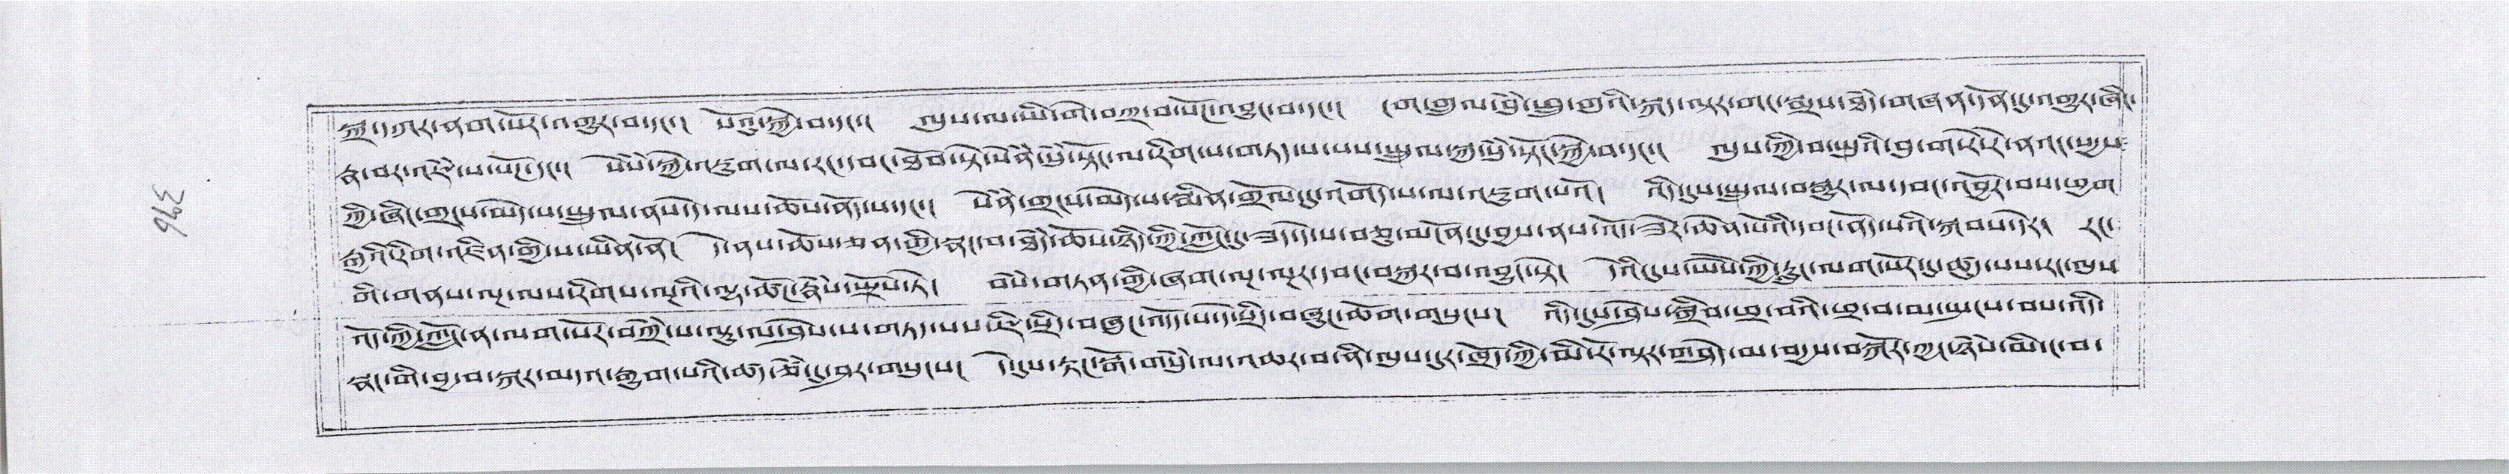སྐྲ་དཀར་ནག་པོར་འགྱུར་བ་དང་། སོའུ་སྐྱེ་བ་དང་། ལུས་ལ་ཡི་གེ་བཀྲ་བ་སོགས་འབྱུང་བ་དང་། ངག་གྲུལ་བུམ་ཕྲུ་གུའི་སྐད་ལྟར་གང་སྨྲས་ཐམས་ཅད་གཞན་དོན་དུ་འགྱུར་ཞིང་
རྣ་བར་འཇམ་པ་སོགས་དང་། སེམས་སྐྱེ་འཇུག་ལ་རང་དབང་ཐོབ་སྟེ་སེམས་ཅན་སུམ་སྟོང་ལ་རིག་པ་གཏད་པས་སྤྲུལ་སྐུ་སུམ་སྟོང་སྐྱེ་བ་དང་། ལུས་ཀྱི་བ་སྤུའི་བུ་ག་རེ་རེ་ནའང་སངས་རྒྱས་
ཀྱི་ཞིང་གྲངས་མེད་པ་སྤྲུལ་ནས་དེ་ལ་ཆོས་ནོད་པ་དང་། སེམས་ཅན་གྲངས་མེད་པ་སྨིན་གྲོལ་གྱི་ལམ་ལ་འགོད་པ་ལ་འཇུག་པའོ། འདི་དུས་སྤྲུལ་སྒྱུར་ལ་དབང་འབྱོར་བས་ཕྱག་
རྒྱའི་རིག་འཛིན་གྱི་ས་ཡིན་ནོ། དེ་ནས་ཆོས་ཅན་གྱི་སྣང་བ་ཐམས་ཅད་ཆོས་ཉིད་ཀྱི་ཀློང་དུ་ཟད་དེ་ས་བཅུ་མངོན་དུ་བྱས་ནས་འོད་ཟེར་ཆེན་པོའི་དབང་ནོད་པའི་སྐབས་དེར། རང་
གི་གནས་ལྔ་ལས་རིགས་ལྔའི་ལྷ་ཚོགས་རྣམས་སྤྲོས་ཏེ་བསམ་གཏན་གྱི་ཞག་ལྔ་ལྔར་དབང་བསྐུར་བ་འབྱུང་སྟེ། དེའི་དུས་ཡེ་ཤེས་ཀྱི་རླུང་ལག་སོར་དུ་ཚུད་པས་རང་ལུས་
འོད་ཀྱི་ཀློང་ན་ལག་སོར་བཀྲམ་པ་ལྟ་བུ་ལ་ཤེས་པ་གཏད་པས་ཇི་སྲིད་བཞུགས་འདོད་པ་དེ་སྲིད་དུ་བཞུགས་ཆོག་གསུངས། འདི་དུས་ཤེས་སྒྲིབ་ཕྲ་བའི་ཕྲ་བ་མ་སྤངས་པས་འདི་
སྣང་གི་བྱ་བ་སྐར་མདའ་རྒྱུག་པའི་ཚད་ཙམ་ཤར་གསུངས། དེ་དུས་རྟགས་སྒོ་གསུམ་ལ་འཆར་བ་ནི་ལུས་དུར་ཁྲོད་ཀྱི་མི་རོ་ལྟར་གཤེད་མ་བརྒྱས་བསྐོར་ཀྱང་ཉམས་མི་ང་བ་